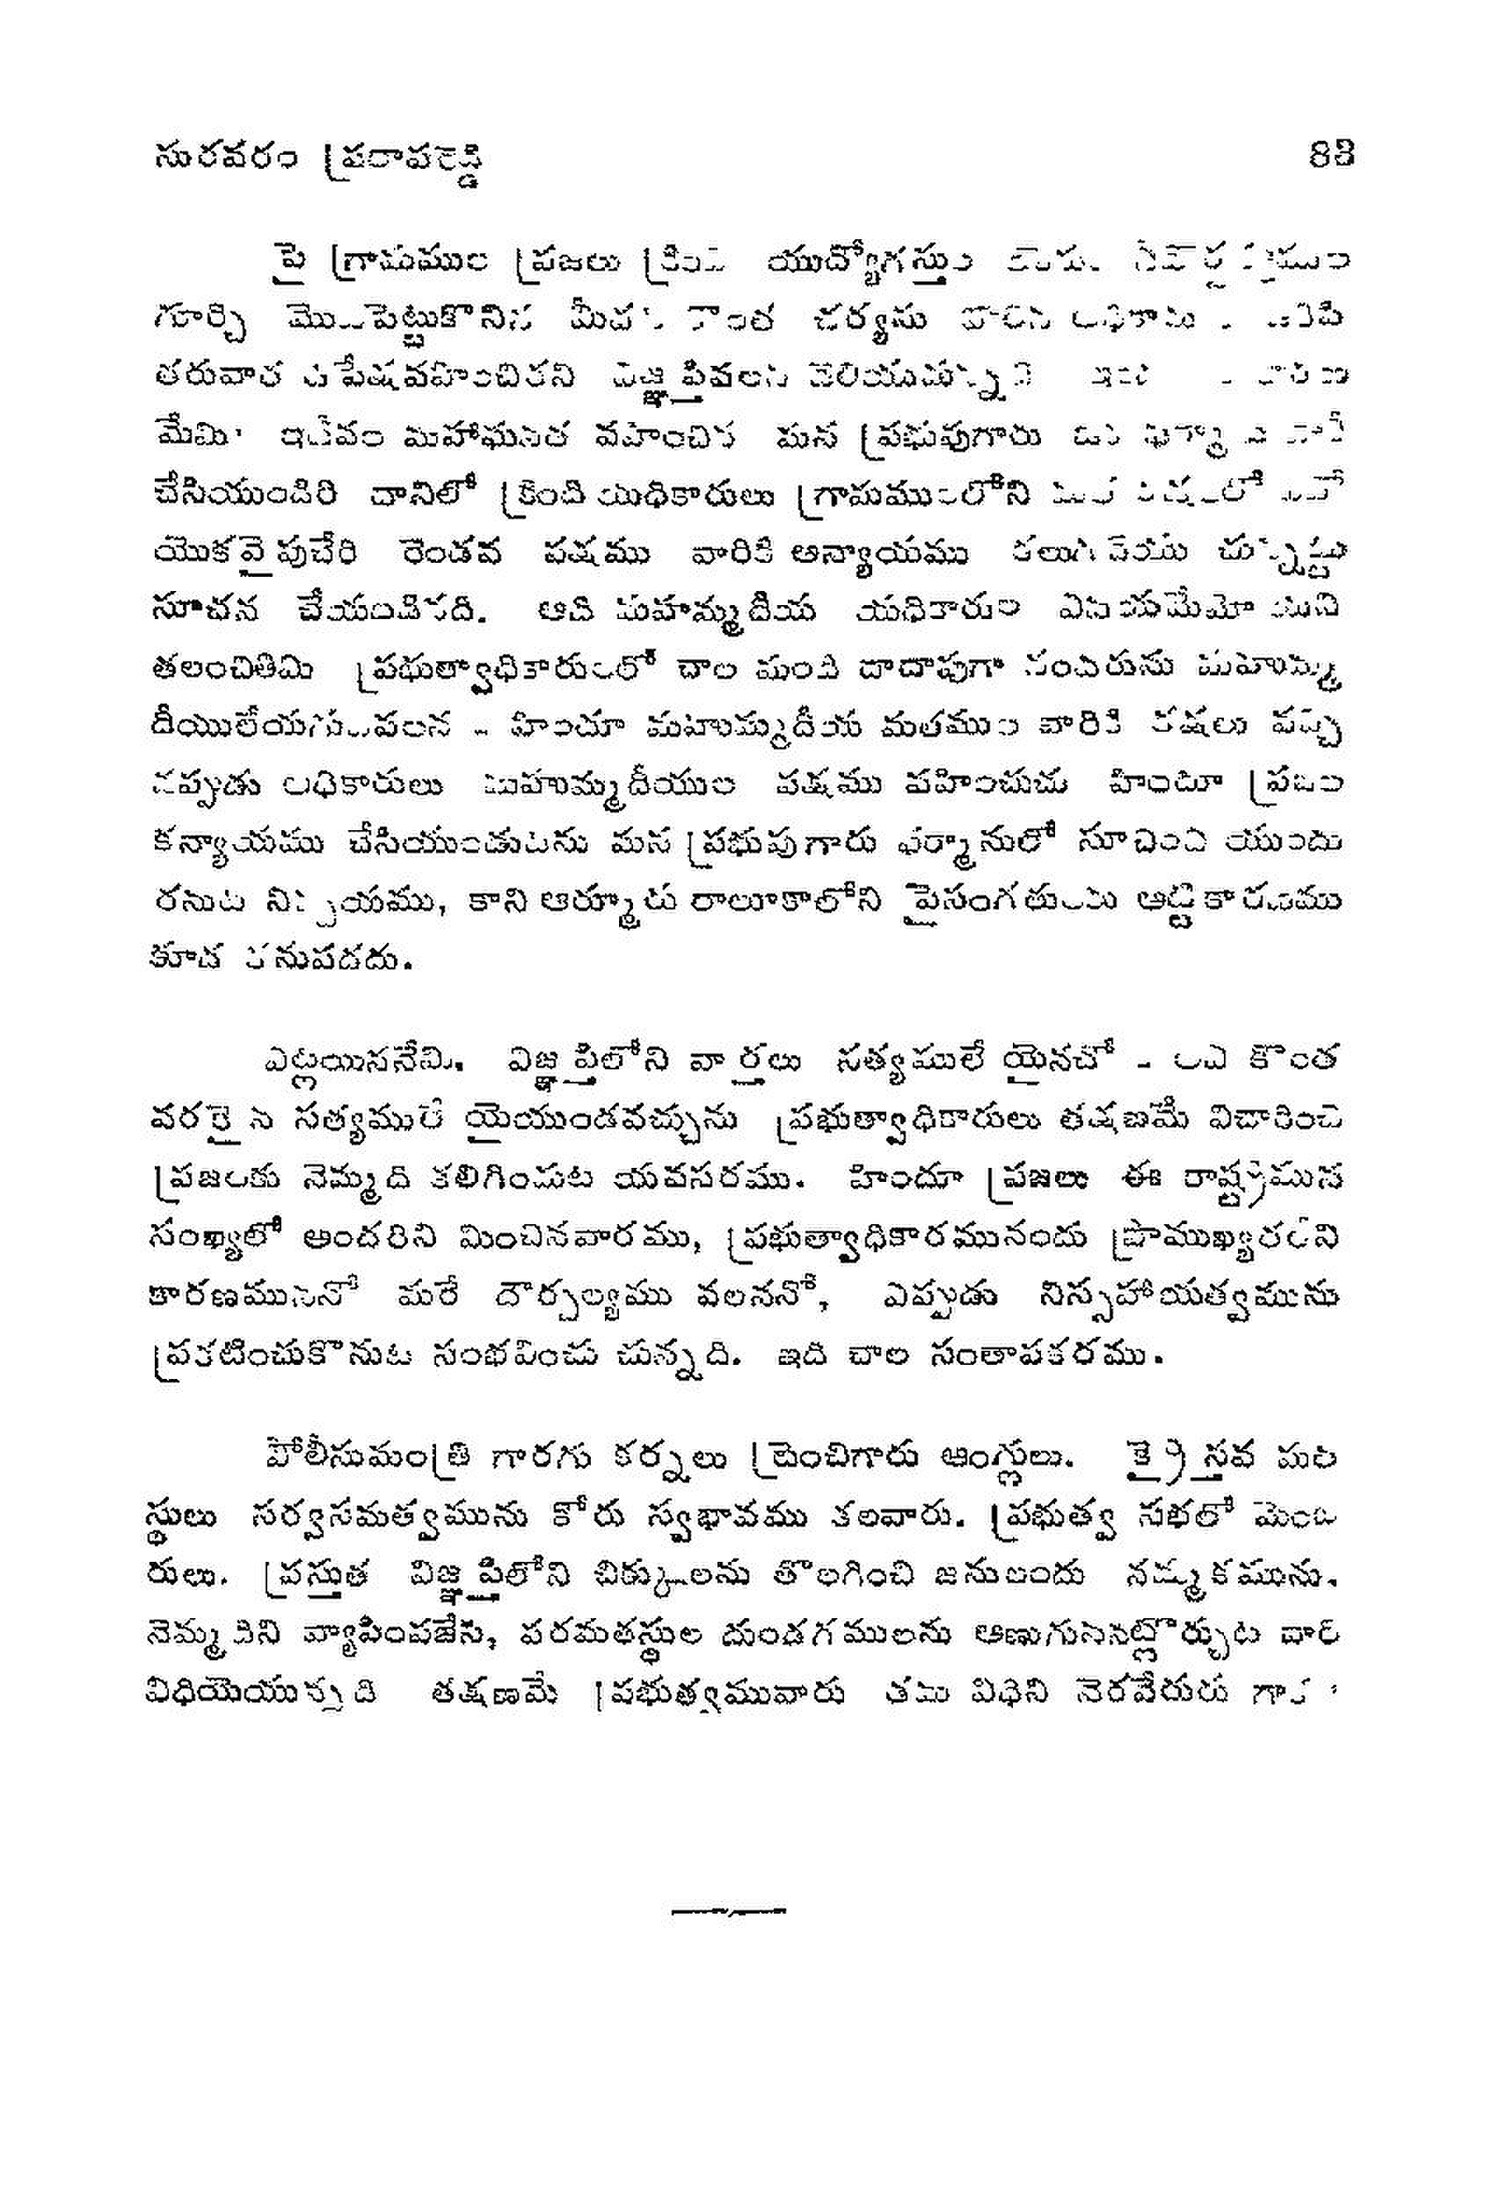పై గ్రామముల ప్రజలు క్రింది యుద్యోగస్తుల ----- నీదౌర్జన్యముల గూర్చి మొఱపెట్టుకొనిన మీదట కొంత చర్యను పోలిన అధికారులు జరిపి తరువాత ఉపేక్షవహించిరని విజ్ఞప్తివలన తెలియుచున్నది ఇట్టి విచారణ మేమి' ఇటీవల మహాఘనత వహించిన మన ప్రభువుగారు ఒక ఫర్మాణ జారీ చేసియుండిరి దానిలో క్రింది యధికారులు గ్రామములలోని మత కక్షలలో ఏదో యొకవైపుచేరి రెండవ పక్షము వారికి అన్యాయము కలుగచేయు చున్నట్టు సూచన చేయబడినది. ఆది మహమ్మదీయ యధికారుల విషయమేమో యని తలంచితిమి. ప్రభుత్వాధికారులలో చాల మంది దాదాపుగా నందరును మహుమ్మదీయులేయగుటవలన - హిందూ మహమ్మదీయ మతముల వారికి కక్షలు వచ్చినప్పుడు అధికారులు మహుమ్మదీయుల పక్షము వహించుచు హిందూ ప్రజల కన్యాయము చేసియుండుటను మన ప్రభువుగారు ఫర్మానులో సూచించి యుందురనుట నిశ్చయము, కాని ఆర్మూరు తాలూకాలోని పైసంగతులకు అట్టికారణము కూడ కనుపడదు.

ఎట్లయిననేమి, విజ్ఞప్తిలోని వార్తలు సత్యములే యైనచో - అవి కొంతవరకైన సత్యములే యైయుండవచ్చును ప్రభుత్వాధికారులు తక్షణమే విచారించి ప్రజలకు నెమ్మది కలిగించుట యవసరము. హిందూ ప్రజలు ఈ రాష్ట్రమున సంఖ్యలో అందరిని మించినవారము, ప్రభుత్వాధికారమునందు ప్రాముఖ్యతలేని కారణముననో మరే దౌర్బల్యము వలననో, ఎప్పుడు నిస్సహాయత్వమును ప్రకటించుకొనుట సంభవించు చున్నది. ఇది చాల సంతాపకరము .

పోలీసుమంత్రి గారగు కర్నలు ట్రెంచిగారు ఆంగ్లులు. క్రైస్తవ మతస్థులు సర్వసమత్వమును కోరు స్వభావము కలవారు. ప్రభుత్వ సభలో మెంబరులు. ప్రస్తుత విజ్ఞప్తిలోని చిక్కులను తొలగించి జనులందు నమ్మకమును, నెమ్మదిని వ్యాపింపజేసి, పరమతస్థుల దుండగములను అణుగునట్లొనర్చుట వారి విధియైయున్నది తక్షణమే ప్రభుత్వమువారు తమ విధిని నెరవేర్చుదురు గాక!